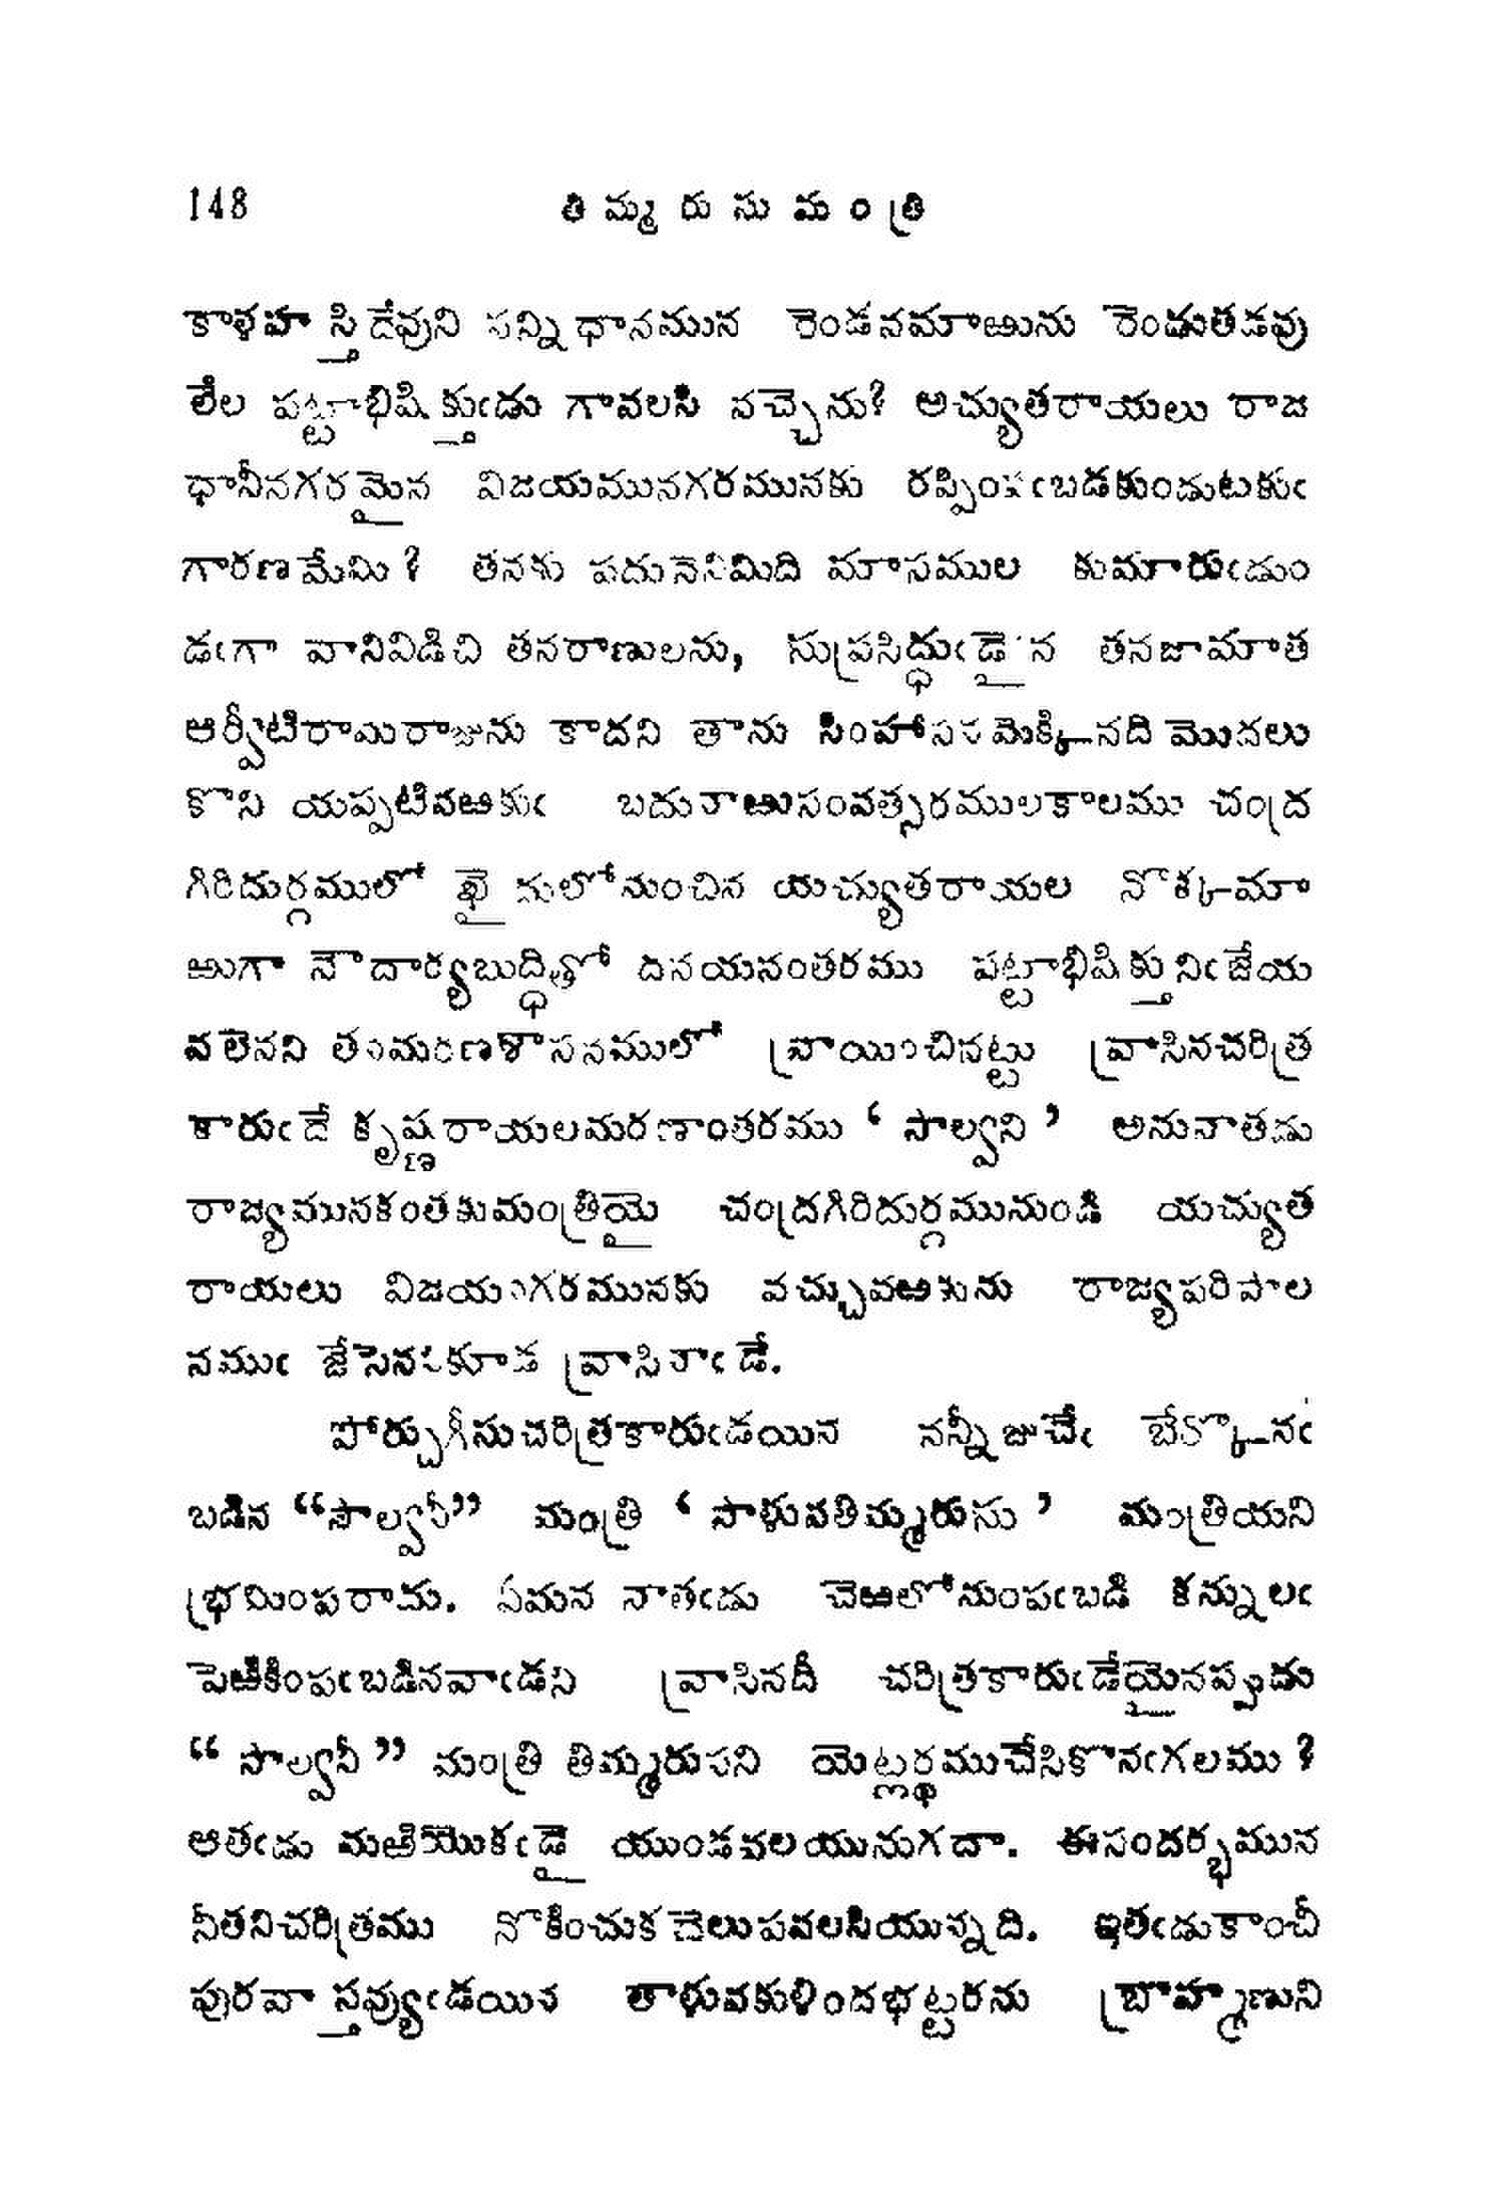కాళహస్తిదేవుని సన్నిధానమున రెండవమాఱును రెండుతడవులేల పట్టాభిషిక్తుఁడు గావలసి వచ్చెను? అచ్యుతరాయలు రాజధానీనగరమైన విజయనగరమునకు రప్పింపఁబడకుండుటకుఁ గారణమేమి? తనకు పదునెనిమిది మాసముల కుమారుఁడుండఁగా వానివిడిచి తనరాణులను, సుప్రసిద్ధుఁడైన తనజామాత ఆర్వీటిరామరాజును కాదని తాను సింహాసనమెక్కినది మొదలుకొని యప్పటివఱకుఁ బదునాఱుసంవత్సరములకాలము చంద్రగిరిదుర్గములో ఖైదులోనుంచిన యచ్యుతరాయల నొక్కమాఱుగా నౌదార్యబుద్ధితో దనయనంతరము పట్టాభిషిక్తునిఁజేయవలెనని తనమరణశాసనములో వ్రాయించినట్టు వ్రాసినచరిత్రకారుఁడే కృష్ణరాయలమరణాంతరము "సాల్వని" అనునాతడు రాజ్యమునకంతకుమంత్రియై చంద్రగిరిదుర్గమునుండి యచ్యుతరాయలు విజయనగరమునకు వచ్చువఱకును రాజ్యపరిపాలనముఁ జేసెననికూడ వ్రాసినాఁడే.

పోర్చుగీసుచరిత్రకారుఁడయిన నన్నీజుచే, బేర్కొనఁబడిన “సాల్వనీ" మంత్రి 'సాళువతిమ్మరుసు' మంత్రియని భ్రమింపరాదు. ఏమన నాతఁడు చెఱలోనుంపఁబడి కన్నులఁ పెఱికింపఁబడినవాఁడని వ్రాసినదీ చరిత్రకారుఁడేయైనప్పుడు “సాల్వనీ” మంత్రి తిమ్మరుసని యెట్లర్థముచేసికొనఁగలము ? అతఁడు మఱియొకఁడై యుండవలయునుగదా. ఈసందర్భమున నీతనిచరిత్రము నొకించుక దెలుపవలసియున్నది. ఇతఁడుకాంచీపురవాస్తవ్యుఁడయిన తాళువకుళిందభట్టరను బ్రాహ్మణుని